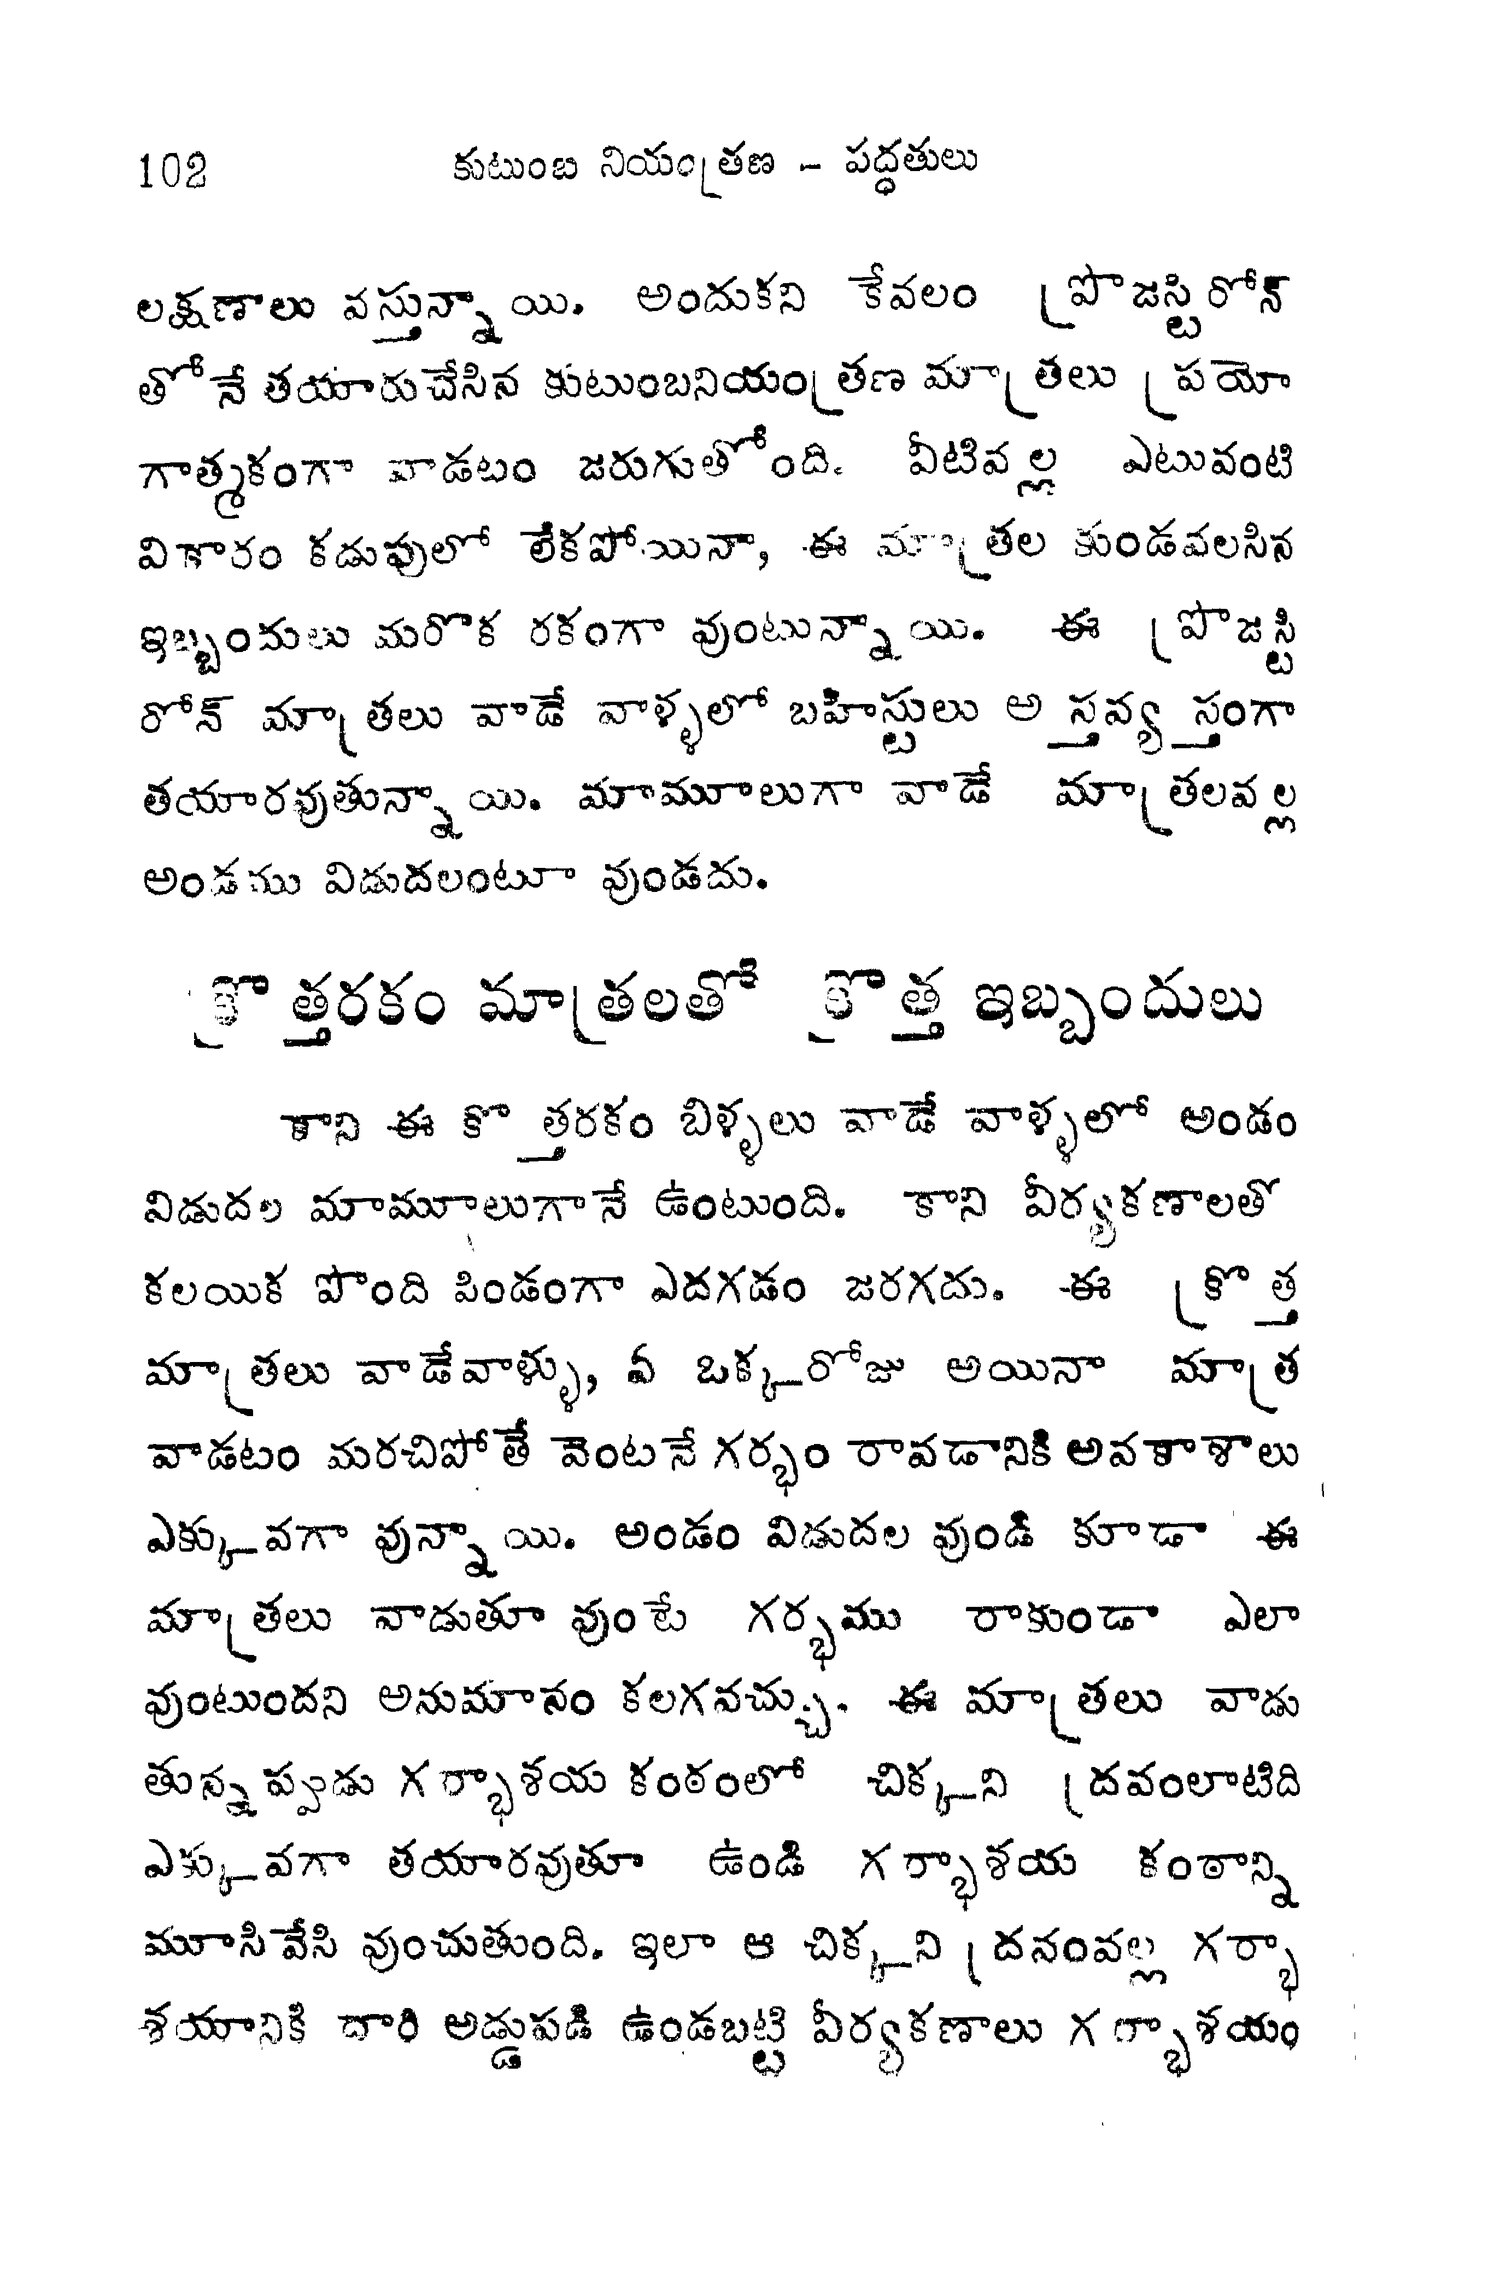లక్షణాలు వస్తున్నాయి. అందుకని కేవలం ప్రొజస్టిరోన్ తొనే తయారుచేసిన కుటుంబనియంత్రేణ మాత్రలు ప్రయోగాత్మకంగా వాడటం జరుగుతోంది. వీటివల్ల ఎటువంటి వికారం కడుపులో లేకపోయినా, ఈ మాత్రల కుండవలసిన ఇబ్బందులు మరొక రకంగా వుంటున్నాయి. ఈ ప్రొజస్టిరోన్ మాత్రలు వాడే వాళ్ళలో బహిస్టులు అస్తవ్యస్తంగా తయారవుతున్నాయి. మామూలుగా వాడే మాత్రలవల్ల అండము విడుదలంటూ వుండదు.

కాని ఈ కొత్తరకం బిళ్ళలు వాడే వాళ్ళలో అండం విడుదల మామూలుగానే ఉంటుంది. కాని వీర్యకణాలతో కలయిక పొంది పిండంగా ఎదగడం జరగదు. ఈ క్రొత్త మాత్రలు వాడేవాళ్ళు, ఏ ఒక్కరోజు అయినా మాత్ర వాడటం మరిచిపొతే వెంటనే గర్భం రావడానికి అవకాశాలు ఎక్కువగా వున్నాయి. అండం విడుదల వుండి కూడా ఈ మాత్రలు వాడుతూ వుంటే గర్భము రాకుండా ఎలా వుంటుందని అనుమానం కలగవచ్చు. ఈ మాత్రలు వాడుతున్నప్పుడు గర్భాశయ కంఠంలో చిక్కని ద్రవంలాటిది ఎక్కువగా తయారవుతూ ఉండి గర్భాశయ కంఠాన్ని మూసివేసి వుంచుతుంది. ఇలా ఆ చిక్కని ద్రవంవల్ల గర్భాశయానికి దారి అడ్దుపడి ఉండబట్టి వీర్యకణాలు గర్భాశయం